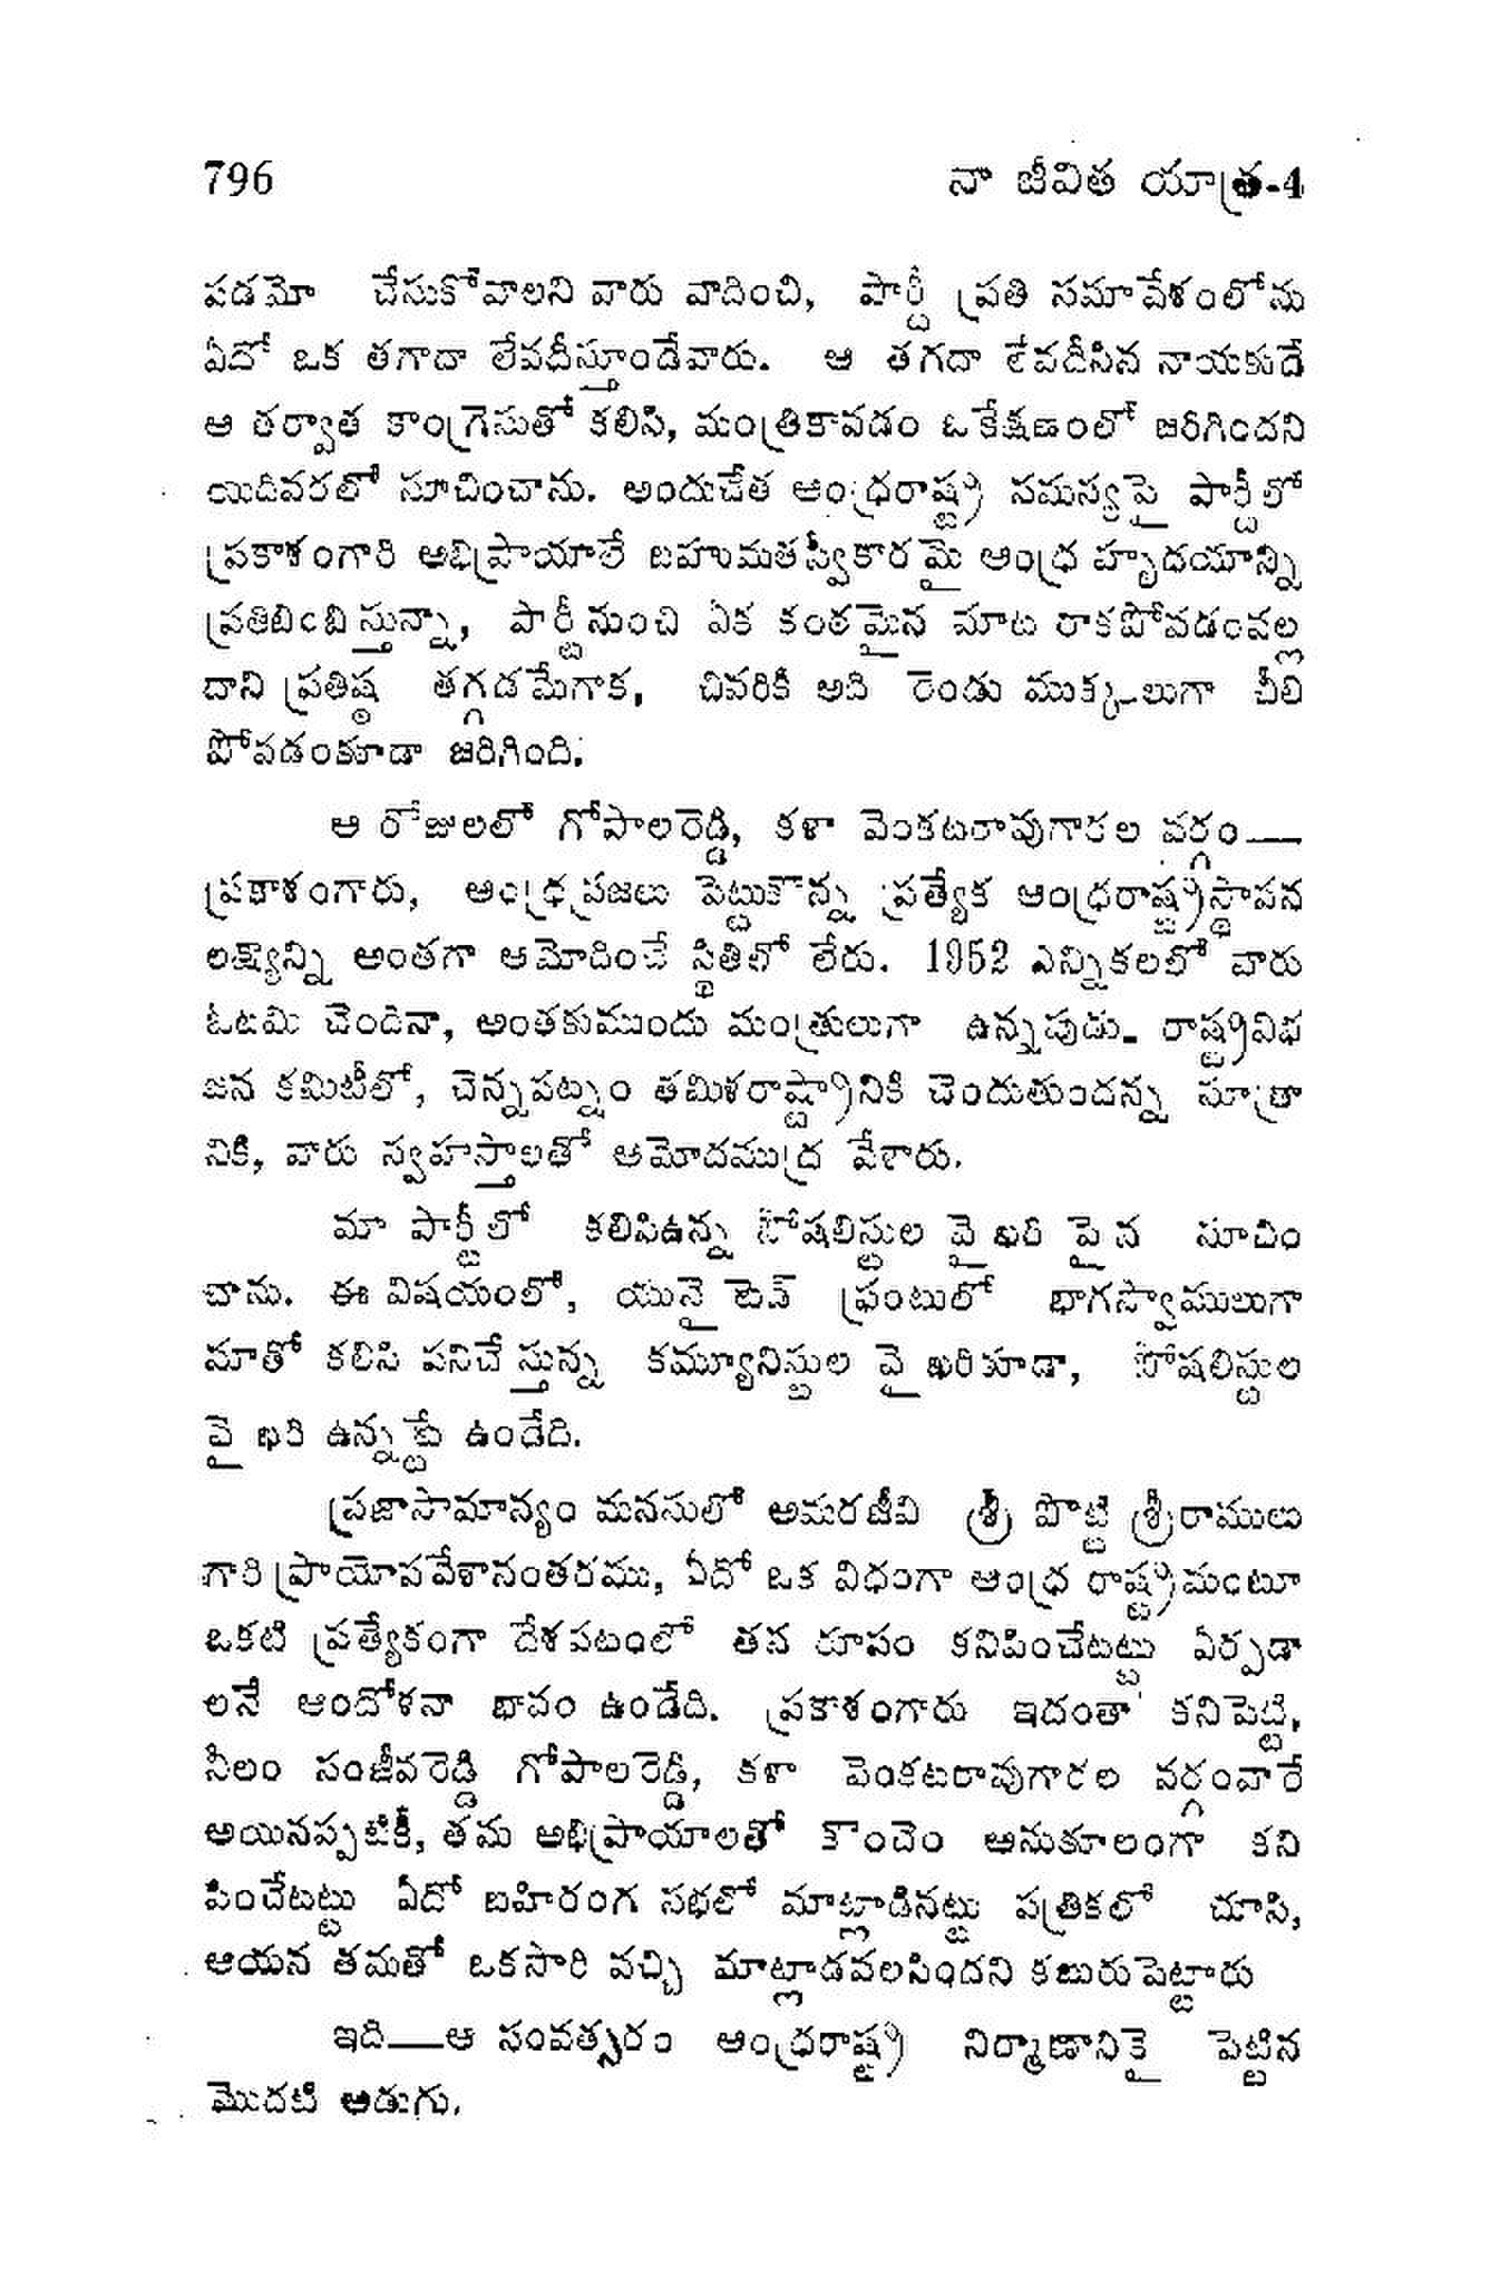పడమో చేసుకోవాలని వారు వాదించి, పార్టీ ప్రతి సమావేశంలోను ఏదో ఒక తగాదా లేవదీస్తూండేవారు. ఆ తగాదా లేవదీసిన నాయకుడే ఆ తర్వాత కాంగ్రెసుతో కలిసి, మంత్రికావడం ఒకేక్షణంలో జరిగిందని యిదివరలో సూచించాను. అందుచేత ఆంధ్రరాష్ట్ర సమస్యపై పార్టీలో ప్రకాశంగారి అభిప్రాయాలే బహుమతస్వీకారమై ఆంధ్ర హృదయాన్ని ప్రతిబింబిస్తున్నా, పార్టీనుంచి ఏక కంఠమైన మాట రాకపోవడంవల్ల దాని ప్రతిష్ఠ తగ్గడమేగాక, చివరికి అది రెండు ముక్కలుగా చీలిపోవడంకూడా జరిగింది.

అ రోజులలో గోపాలరెడ్డి, కళా వెంకటరావుగారల వర్గం - ప్రకాశంగారు, ఆంధ్రప్రజలు పెట్టుకొన్న ప్రత్యేక ఆంధ్రరాష్త్రస్థాపన లక్ష్యాన్ని అంతగా ఆమోదించే స్థితిలో లేరు. 1952 ఎన్నికలలో వారు ఓటమి చెందినా, అంతకుముందు మంత్రులుగా ఉన్నపుడు - రాష్ట్రవిభజన కమిటీలో, చెన్నపట్నం తమిళరాష్ట్రానికి చెందుతుందన్న సూత్రానికి, వారు స్వహస్తాలతో ఆమోదముద్ర వేశారు.

మా పార్టీలో కలిసిఉన్న సోషలిస్టుల వైఖరి పైన సూచించాను. ఈ విషయంలో, యునైటెడ్ ఫ్రంటులో భాగస్వాములుగా మాతో కలిసి పనిచేస్తున్న కమ్యూనిస్టుల వైఖరికూడా, సోషలిస్టుల వైఖరి ఉన్నట్టే ఉండేది.

ప్రజాసామాన్యం మనసులో అమరజీవి శ్రీ పొట్టి శ్రీరాములుగారి ప్రాయోపవేశానంతరము, ఏదో ఒక విధంగా ఆంధ్ర రాష్ట్రమంటూ ఒకటి ప్రత్యేకంగా దేశపటంలో తన రూపం కనిపించేటట్టు ఏర్పడాలనే ఆందోళనా భావం ఉండేది. ప్రకాశంగారు ఇదంతా కనిపెట్టి, నీలం సంజీవరెడ్డి, గోపాలరెడ్డి, కళా వెంకటరావుగారల వర్గంవారే అయినప్పటికీ, తమ అభిప్రాయాలతో కొంచెం అనుకూలంగా కనిపించేటట్టు ఏదో బహిరంగ సభలో మాట్లాడినట్టు పత్రికలో చూసి, ఆయన తమతో ఒకసారి వచ్చి మాట్లాడవలసిందని కబురుపెట్టారు.

ఇది - ఆ సంవత్సరం ఆంధ్రరాష్ట్ర నిర్మాణానికై పెట్టిన మొదటి అడుగు.